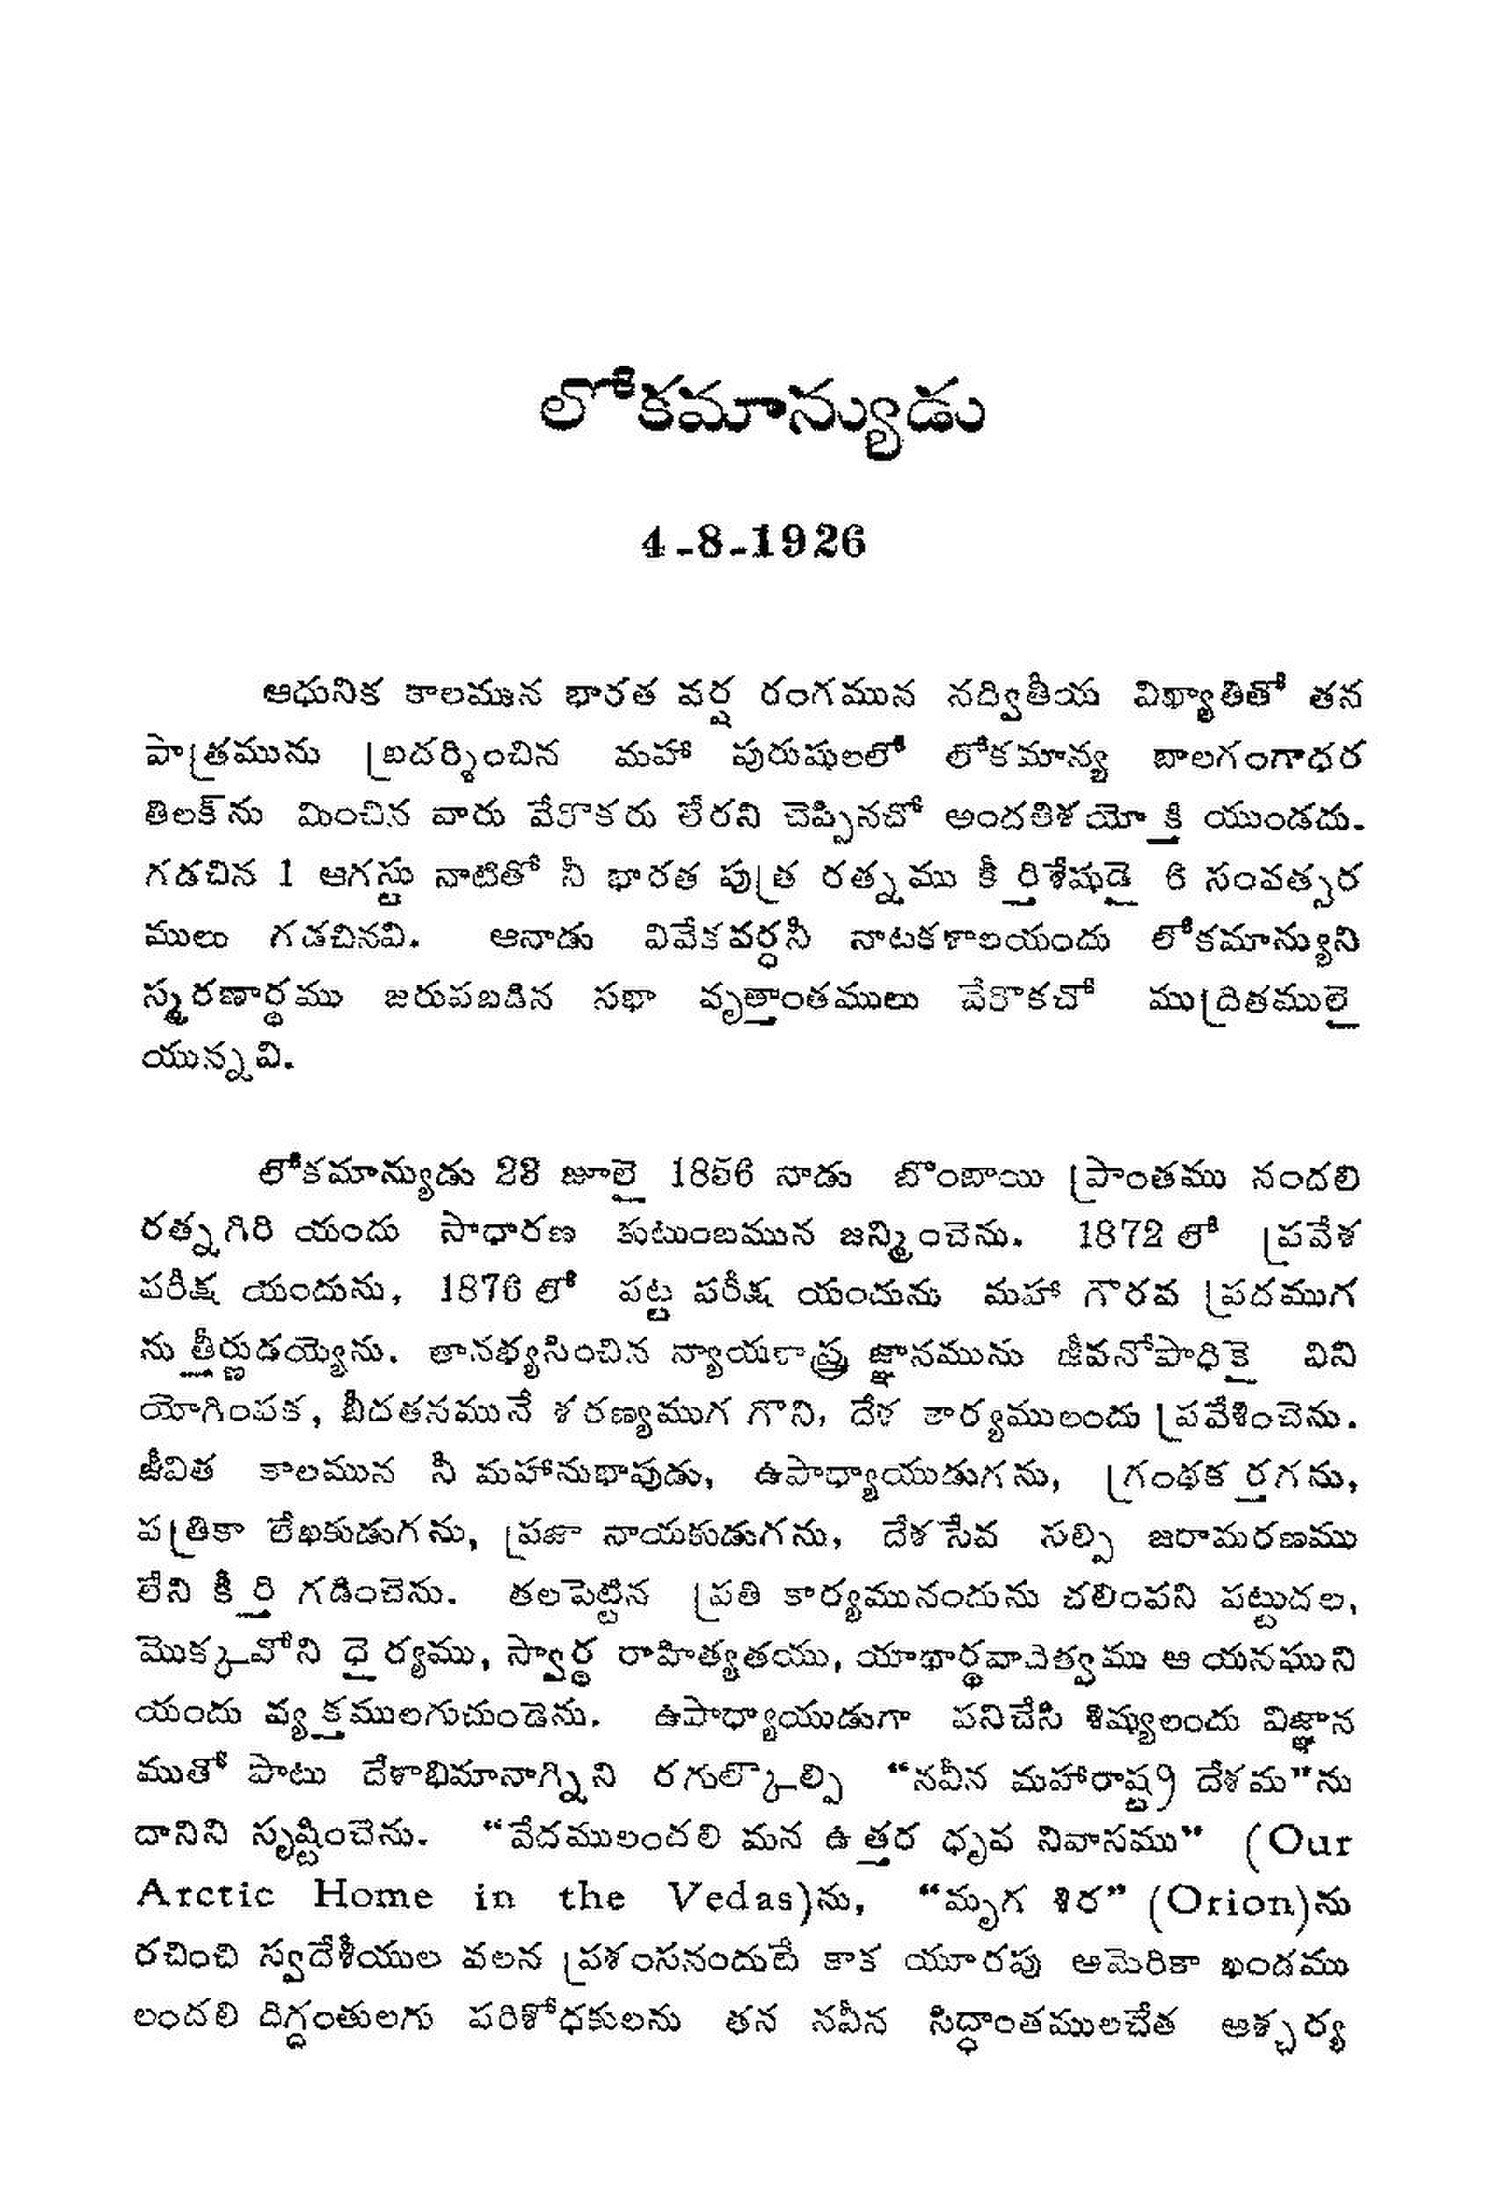లోకమాన్యుడు

4-8-1926

ఆధునిక కాలమున భారత వర్ష రంగమున నద్వితీయ విఖ్యాతితో తన పాత్రమును బ్రదర్శించిన మహా పురుషులలో లోకమాన్య బాలగంగాధర తిలక్‌ను మించిన వారు వేరొకరు లేరని చెప్పినచో అందతిశయోక్తి యుండదు. గడచిన 1 ఆగస్టు నాటితో నీ భారత పుత్ర రత్నము కీర్తిశేషుడై 6 సంవత్సరములు గడచినవి. ఆనాడు వివేకవర్ధనీ నాటకళాలయందు లోకమాన్యుని స్మరణార్థము జరుపబడిన సభా వృత్తాంతములు వేరొకచో ముద్రితములై యున్నవి.

లోకమాన్యుడు 23 జూలై 1856 నాడు బొంబాయి ప్రాంతము నందలి రత్నగిరి యందు సాధారణ కుటుంబమున జన్మించెను. 1872 లో ప్రవేశ పరీక్ష యందును, 1876 లో పట్ట పరీక్ష యందును మహా గౌరవ ప్రదముగ నుత్తీర్ణుడయ్యెను. తానభ్యసించిన న్యాయశాస్త్ర జ్ఞానమును జీవనోపాధికై వినియోగింపక, బీదతనమునే శరణ్యముగ గొని, దేశ కార్యములందు ప్రవేశించెను. జీవిత కాలమున నీ మహానుభావుడు, ఉపాధ్యాయుడుగను, గ్రంథకర్తగను,
పత్రికా లేఖకుడుగను, ప్రజా నాయకుడుగను, దేశసేవ సల్పి జరామరణము లేని కీర్తి గడించెను. తలపెట్టిన ప్రతి కార్యమునందును చలింపని పట్టుదల, మొక్కవోని ధైర్యము, స్వార్థ రాహిత్యతయు, యాథార్థవాదిత్వము ఆ యనఘుని యందు వ్యక్తములగుచుండెను. ఉపాధ్యాయుడుగా పనిచేసి శిష్యులందు విజ్ఞానముతో పాటు దేశాభిమానాగ్నిని రగుల్కొల్పి 'నవీన మహారాష్ట్ర దేశమ"ను దానిని సృష్టించెను. "వేదములందలి మన ఉత్తర ధృవ నివాసము" (Our Arctic Home in the Vedas)ను, “మృగ శిర” (Orion)ను రచించి స్వదేశీయుల వలన ప్రశంసనందుటే కాక యూరపు ఆమెరికా ఖండములందలి దిగ్ధంతులగు పరిశోధకులను తన నవీన సిద్ధాంతములచేత ఆశ్చర్య